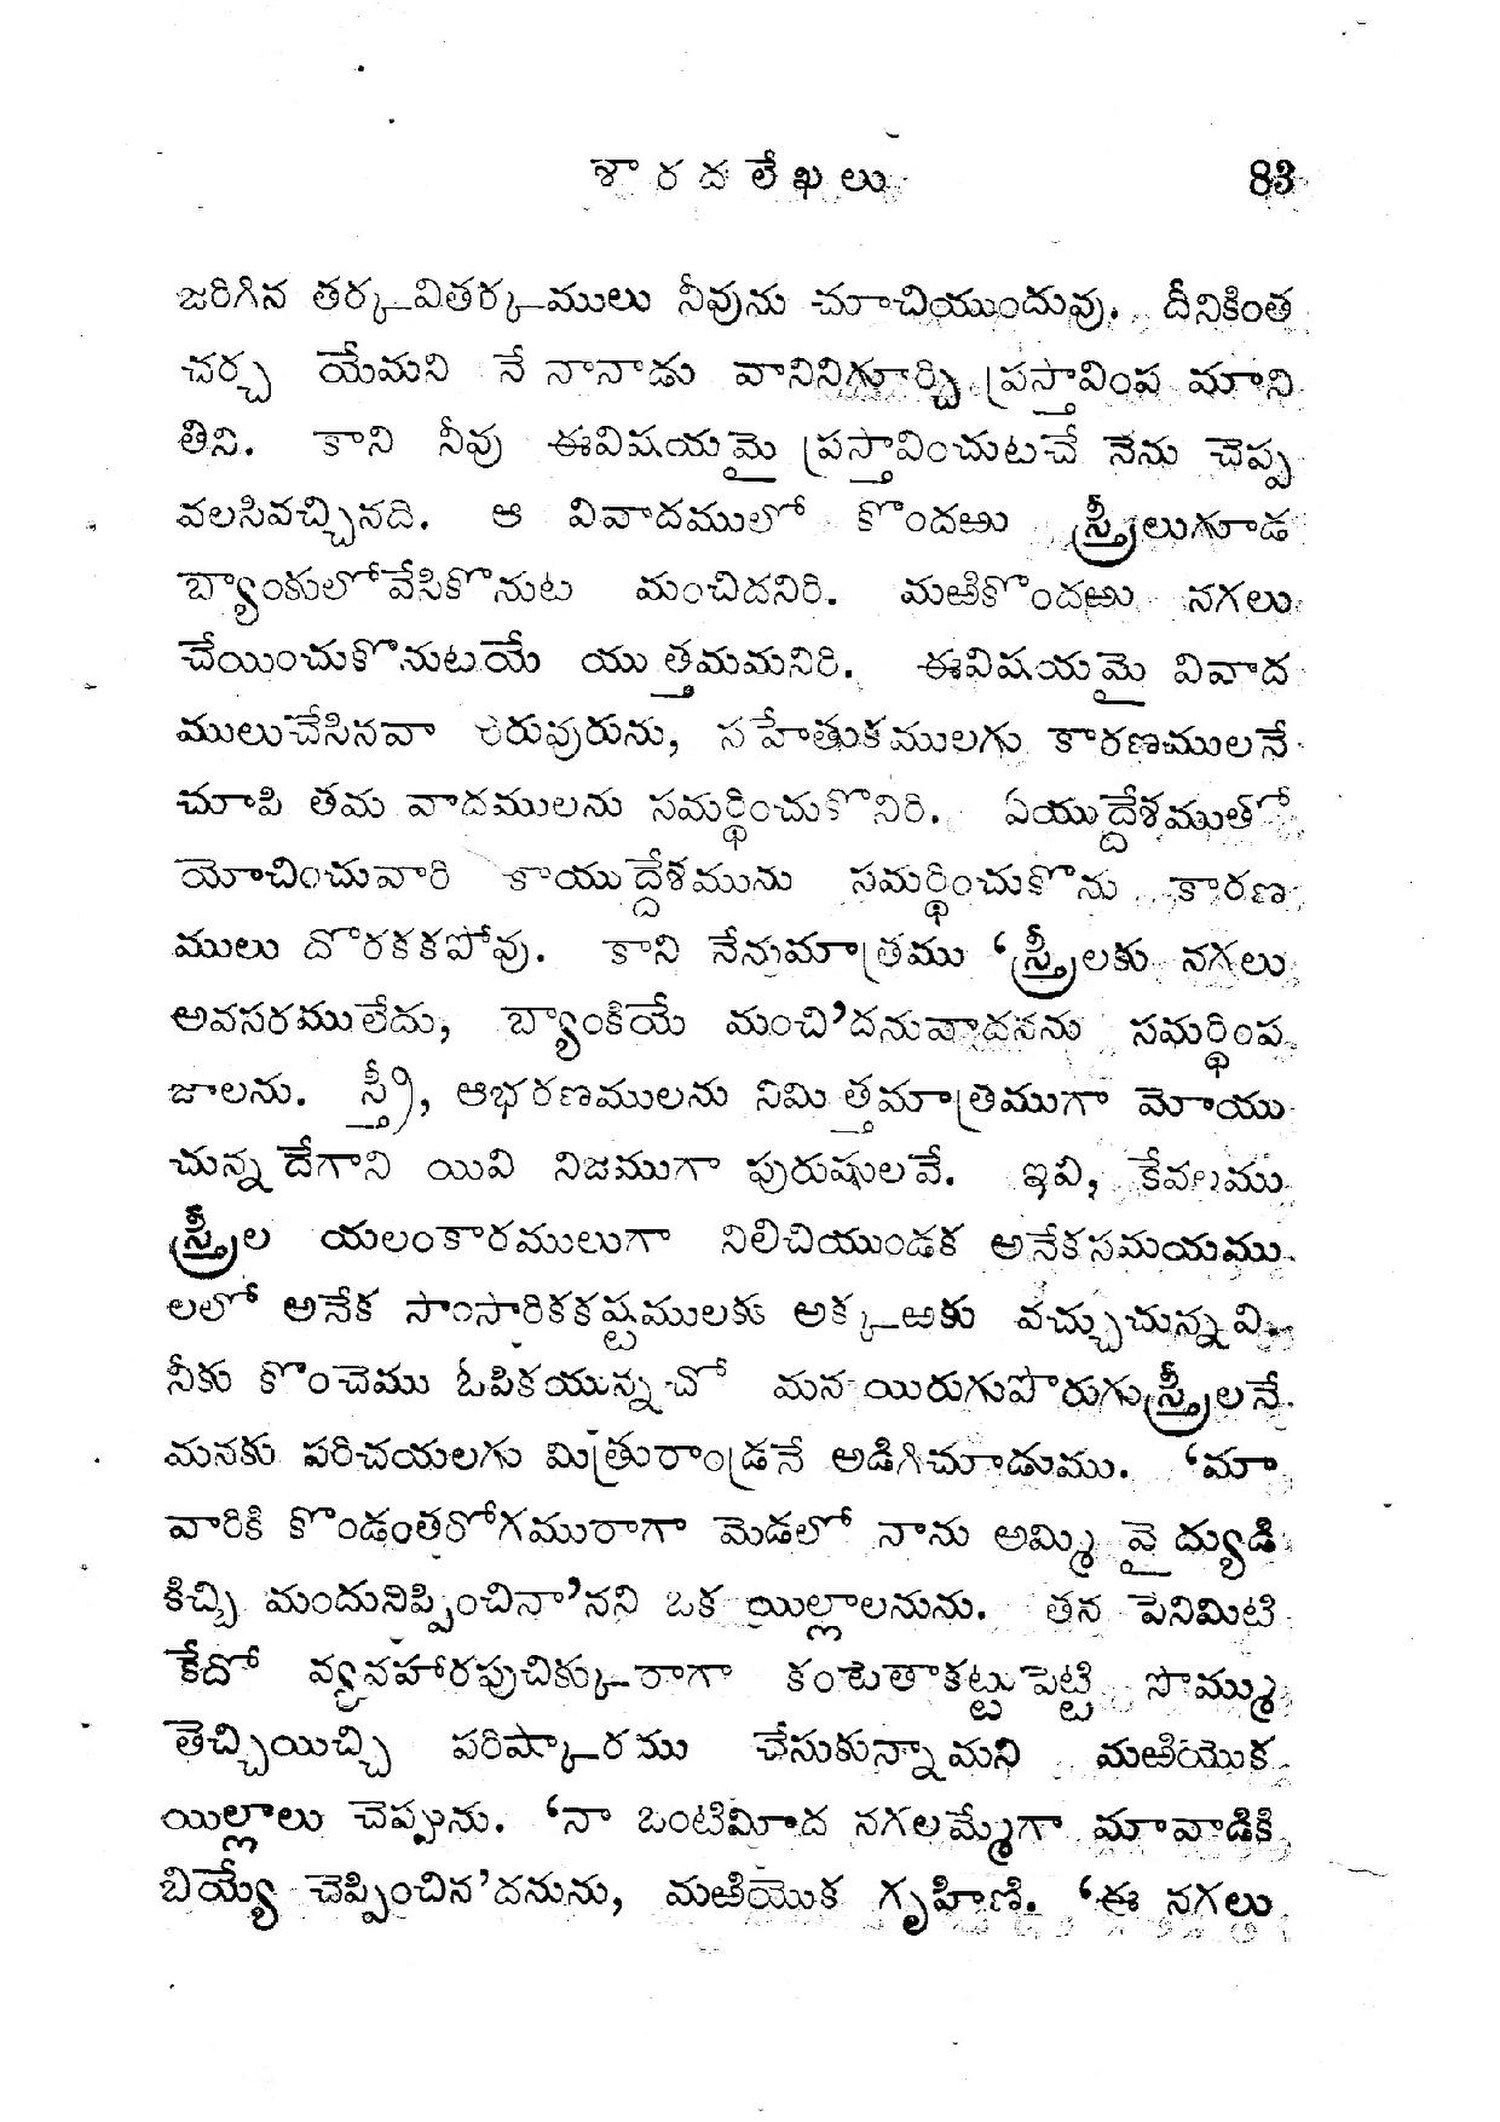జరిగిన తర్క వితర్కములు నీవును చూచియుందువు. దీనికింత
చర్చ యేమని నే నానాడు వానినిగూర్చి ప్రస్తావింప మాని
తిని. కాని నీవు ఈవిషయమై ప్రస్తావించుటచే నేను చెప్ప.
వలసివచ్చినది. ఆ వివాదములో కొందఱు స్త్రీలుగూడ
బ్యాంకులో వేసికొనుట మంచిదనిరి. మఱికొందఱు నగలు
చేయించుకొనుటయే యు త్తమమనిరి. ఈవిషయమై వివాద
ములు చేసినవా రిరువురును, సహేతుకములగు కారణములనే
చూపి తమ వాదములను సమర్థించుకొనిరి. ఏయుద్దేశముతో..
యోచించువారి కాయుద్దేశమును సమర్థించుకొను కారణ
ములు దొరకకపోవు. కాని నేనుమాత్రము ' స్త్రీలకు నగలు
అవసరములేదు, బ్యాంకియే మంచి' దనువాదనను సమర్థింప
జాలను. స్త్రీ, ఆభరణములను నిమి త్తమాత్రముగా మోయు
చున్న దేగాని యివి నిజముగా పురుషులవే. ఇవి, కేవలము
స్త్రీల యలంకారములుగా నిలిచియుండక అనేకసమయము
లలో అనేక సాంసారికకష్టములకు అక్కఱకు వచ్చుచున్నవి.
నీకు కొంచెము ఓపికయున్నచో మన యిరుగుపొరుగు స్త్రీలనే.
మనకు పరిచయలగు మిత్రురాండ్రనే అడిగిచూడుము. 'మా
వారికి కొండంతరోగమురాగా మెడలో నాను అమ్మి వైద్యుడి
కిచ్చి మందునిప్పించినా'నని ఒక యిల్లాలనును. తన పెనిమిటి
కేదో వ్యవహారపుచిక్కు రాగా కంటే తాకట్టు పెట్టి సొమ్ము
తెచ్చియిచ్చి పరిష్కారము చేసుకున్నామని మఱియొక.
యిల్లాలు చెప్పును. నా ఒంటిమీద నగలమ్మేగా మావాడికి
బియ్యే చెప్పించిన'దనును, మఱియొక గృహిణి. 'ఈ నగలు